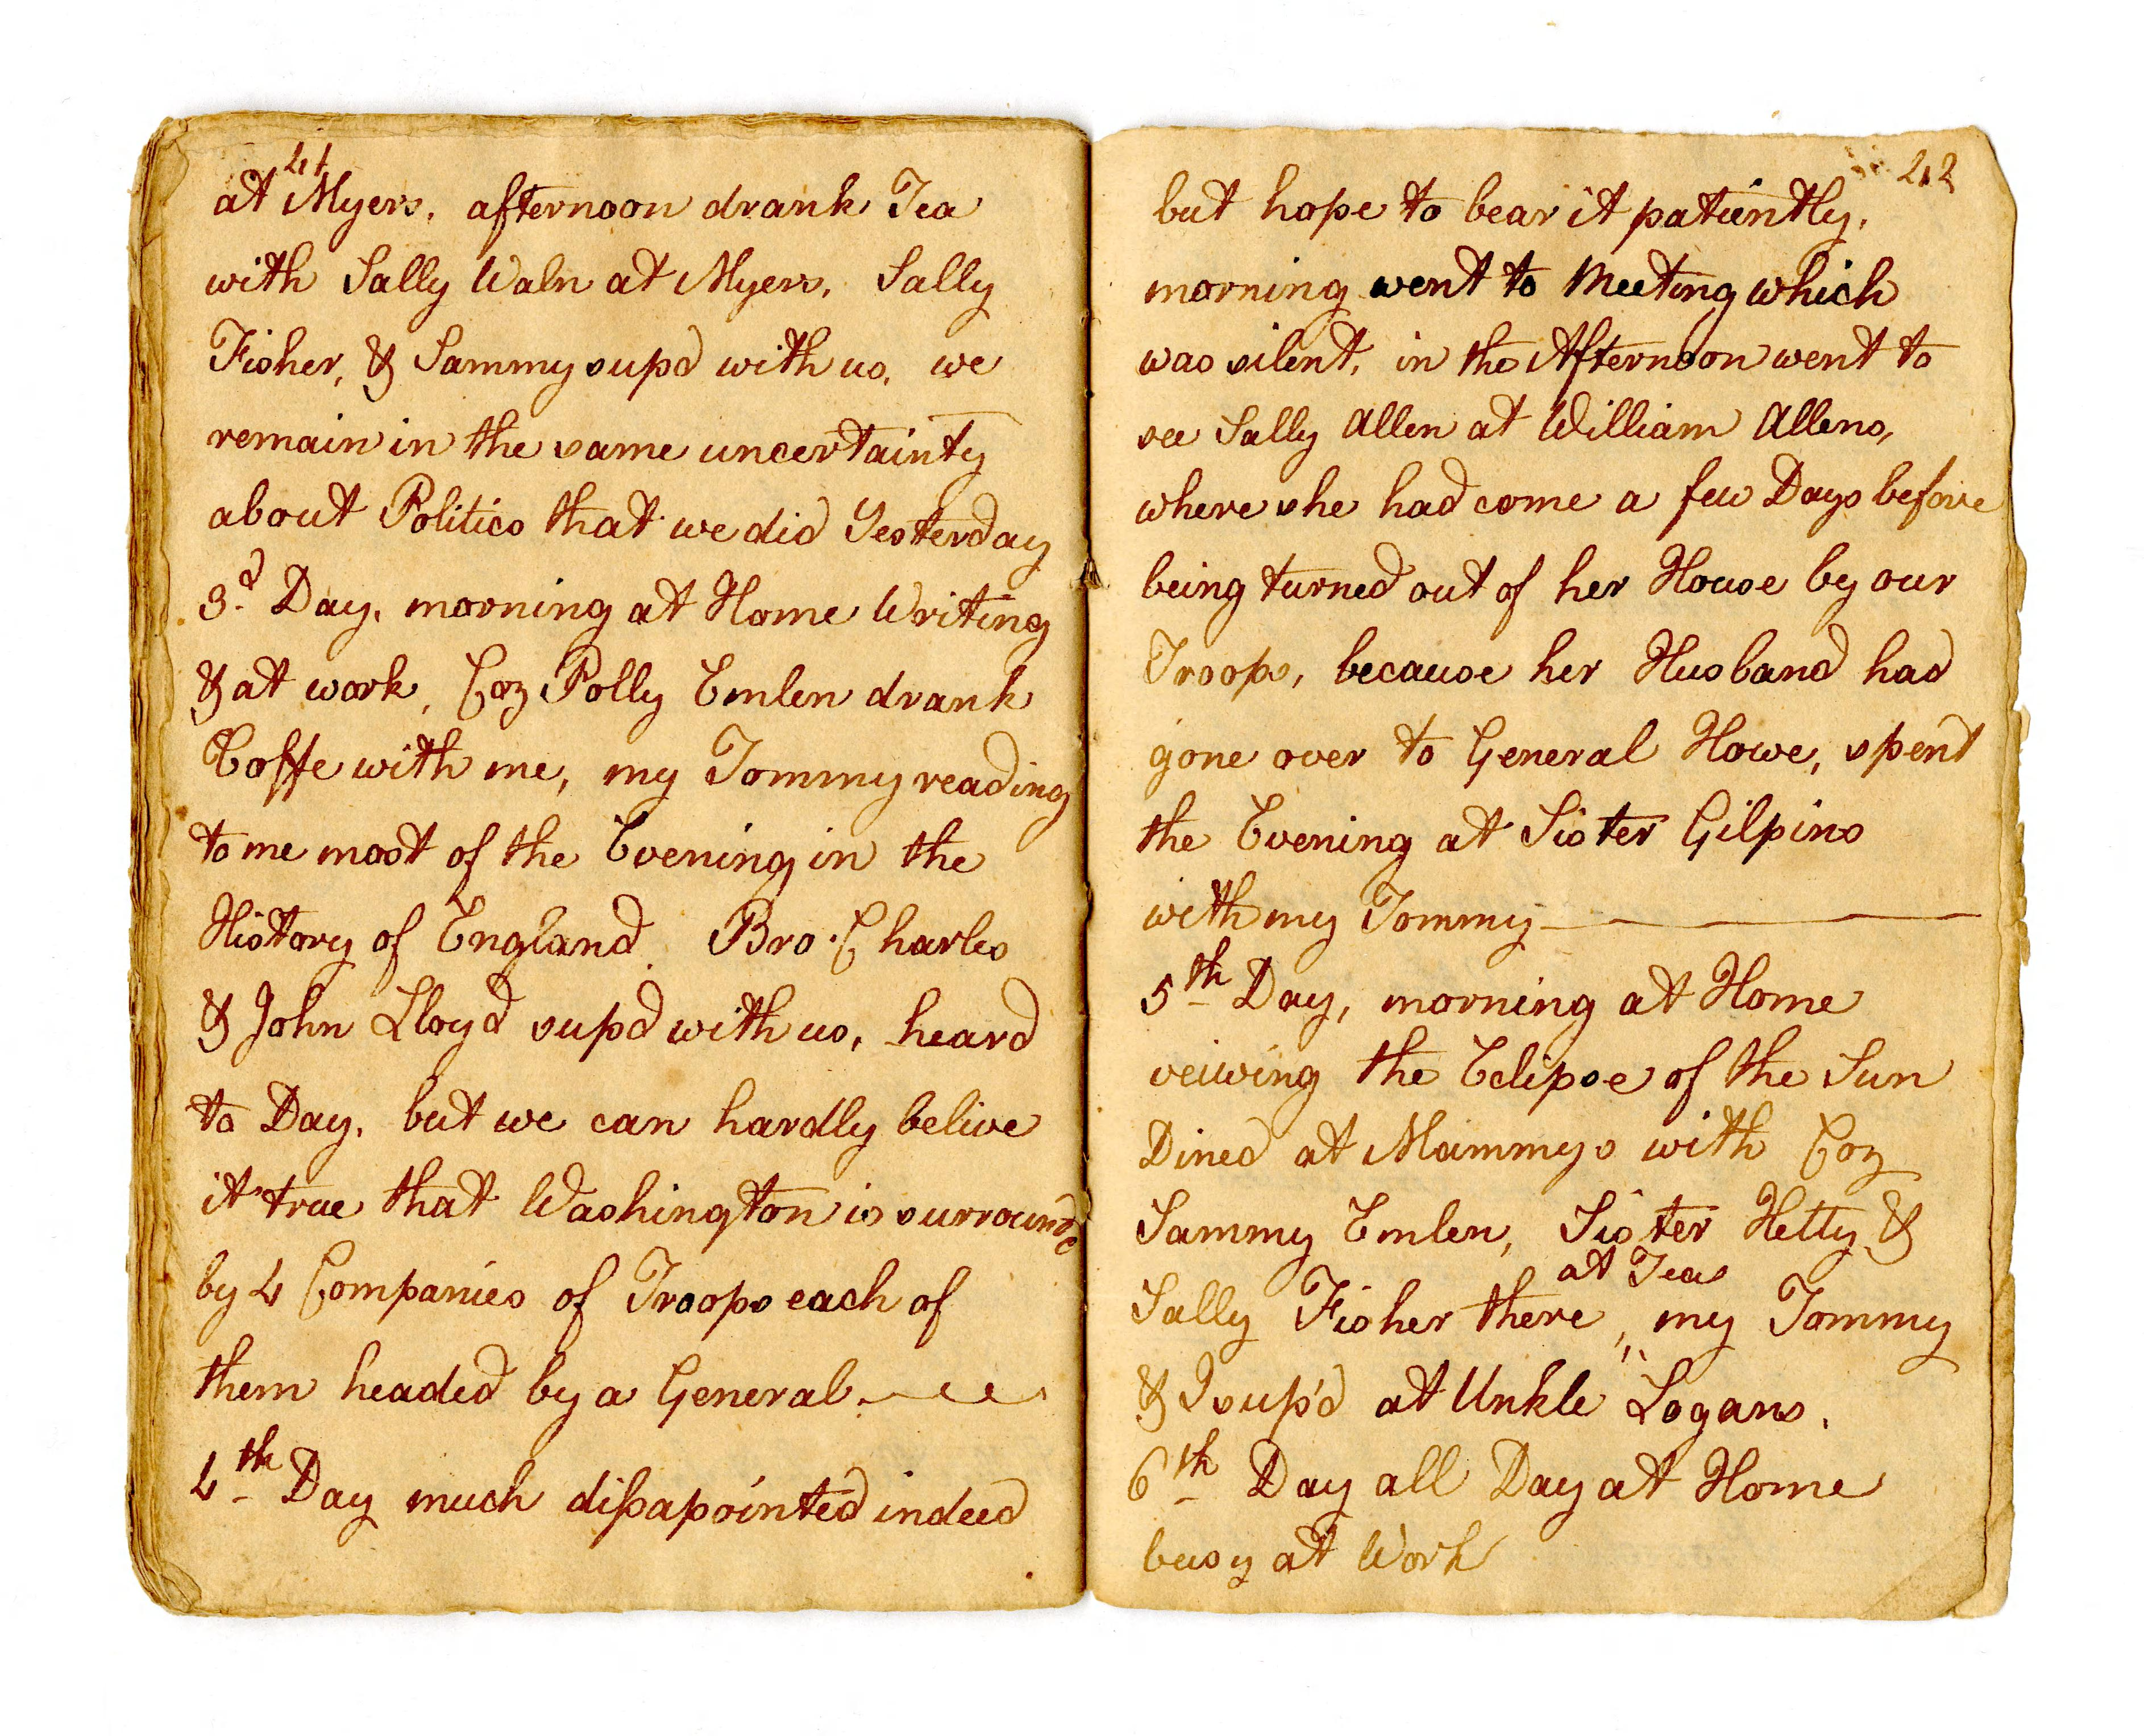41
at Myers, afternoon drank Tea
with Sally Waln at Myers, Sally
Fisher, & Sammy supd with us, we
remain in the same uncertainty
about Politics that we did Yesterday
3^d Day, morning at Home Writing
& at work, Coz Polly Emlen drank
Coffe with me, my Tommy reading
to me most of the Evening in the
History of England. Bro Charles
& John Lloyd sup'd with us, heard
to Day, but we can hardly belive
it true that Washington is surrounde
by 4 Companies of Troops each of
them headed by a General-
4^th Day much dissapointed indeed
42
but hope to bear it patiently,
morning went to Meeting which
was silent, in the Afternoon went to
see Sally Allen at William Allens,
where she had come a few Days before
being turned out of her House by our
Troops, because her Husband had
gone over to General Howe, spent
the Evening at Sister Gilpins
with my Tommy-
5^th Day, morning at Home
veiwing the Eclipse of the Sun
Dined at Mammys with Coz
Sammy Emlen, Sister Hetty &
at Tea
Sally Fisher there, ^ my Tommy
& I sup'd at Unkle Logans,
6^th Day all Day at Home
busy at Work